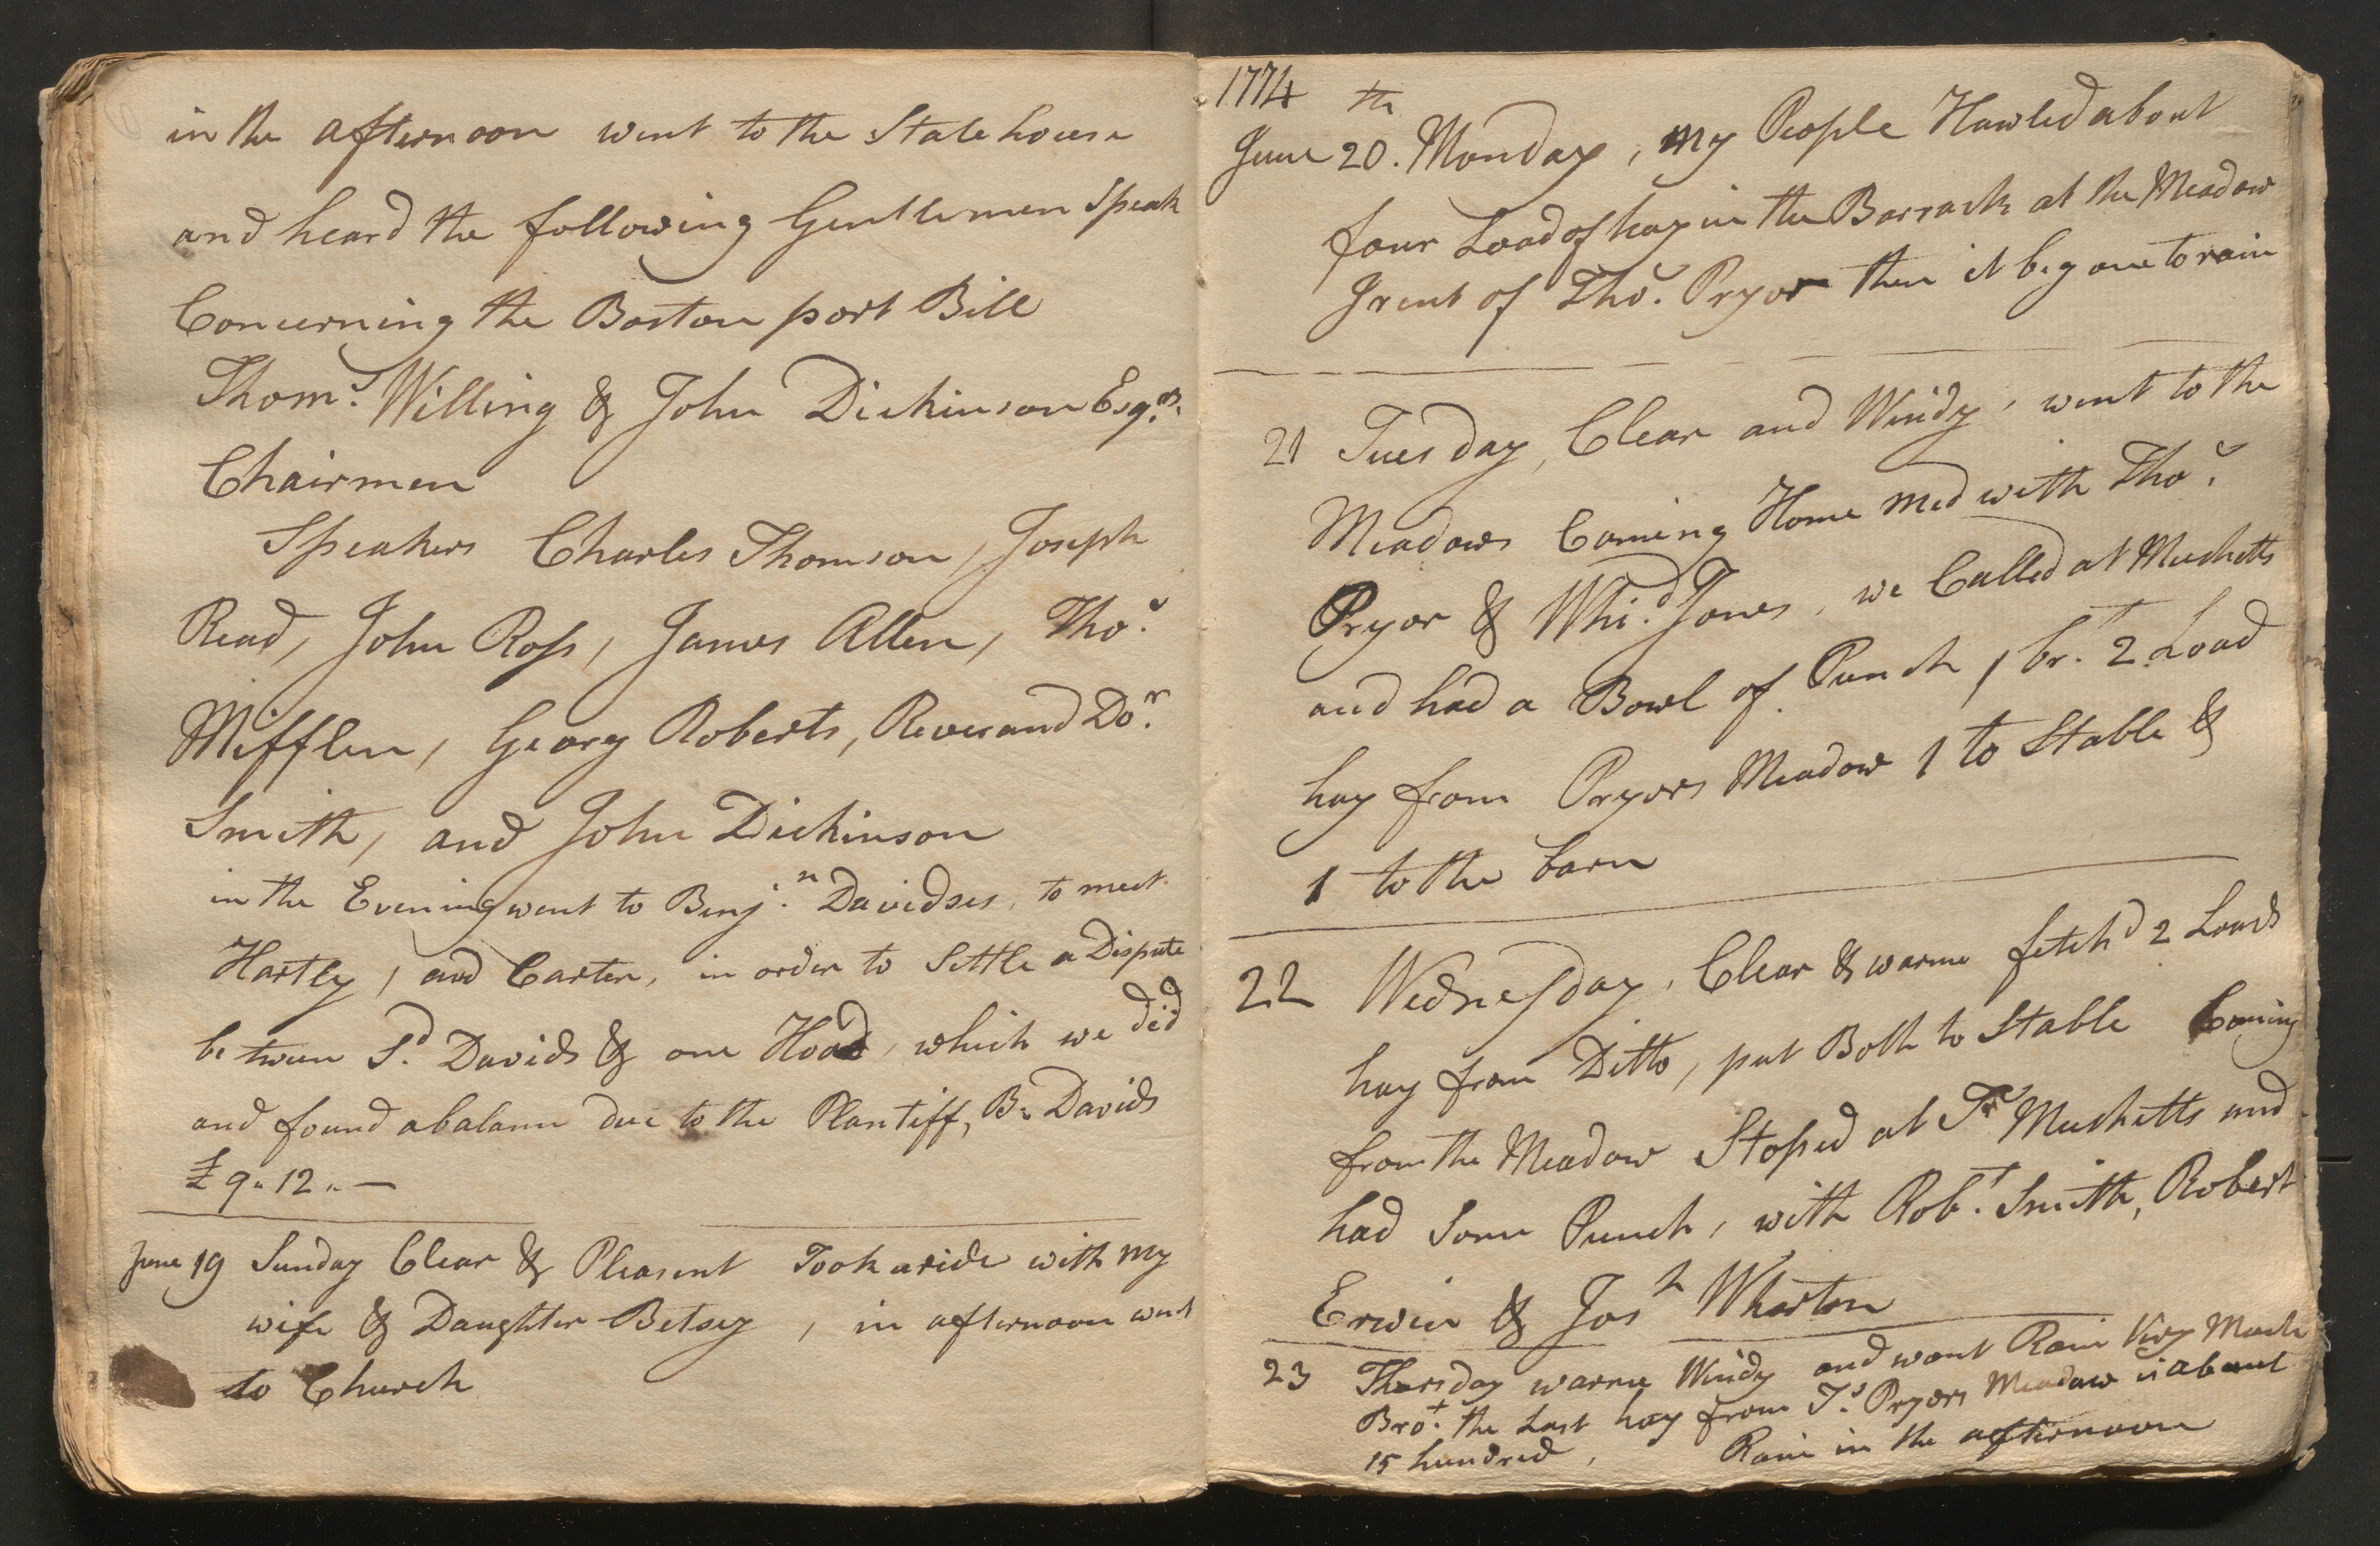in the afternoon went to the State house
and heard the following Gentlemen speak
Concerning the Boston port Bill
Thom^s. Willing & John Dickinson Esq^rs.
Chairmen
Speakers Charles Thomson, Joseph
Read, John Ross, James Allen, Tho^s.
Mifflin, Georg Roberts, Reverand Do^r.
Smith, and John Dickinson
in the Evenig went to Benj^n. Davidses, to meet
Hartly, and Carter, in order to Settle a Dispute
between s^d. Davids & one Hoad, which we did
and found a balance due to the Plantiff, B. Davids
£9.12..-
June 19 Sunday Clear & Pleasent Took a ride with my
wife & Daughter Betsey, in afternoon went
to Church
1774
June 20^th. Monday, My People Hawled about
four Load of hay in the Barrack at the Meadow
I rent of Tho^s. Pryor then it big one to rain
21 Tuesday Clear and Windy, went to the
Meadaw Coming Home med with Tho^s.
Pryor & Whi^d. Jones, we Called at Mushetts
and had a Bowl of Punch, br^t. 2 Load
hay from Pryors Meadow 1 to Stable &
1 to the barn
2 Wednesday, Clear & warm fetch^d 2 Land
hay from Ditto, put Both to Stable Coming
from the Meadow, Stoped at T^s. Mushetts and
had some Punch, with Rob^t. Smith, Robert
Erwin & Jos^h. Wharton
23 Thursday warny Windy and want Rain Very Much
Bro^t. the Last hay from T^s. Pryors Meadow is about
Rain in the aftornoon
15 hundred